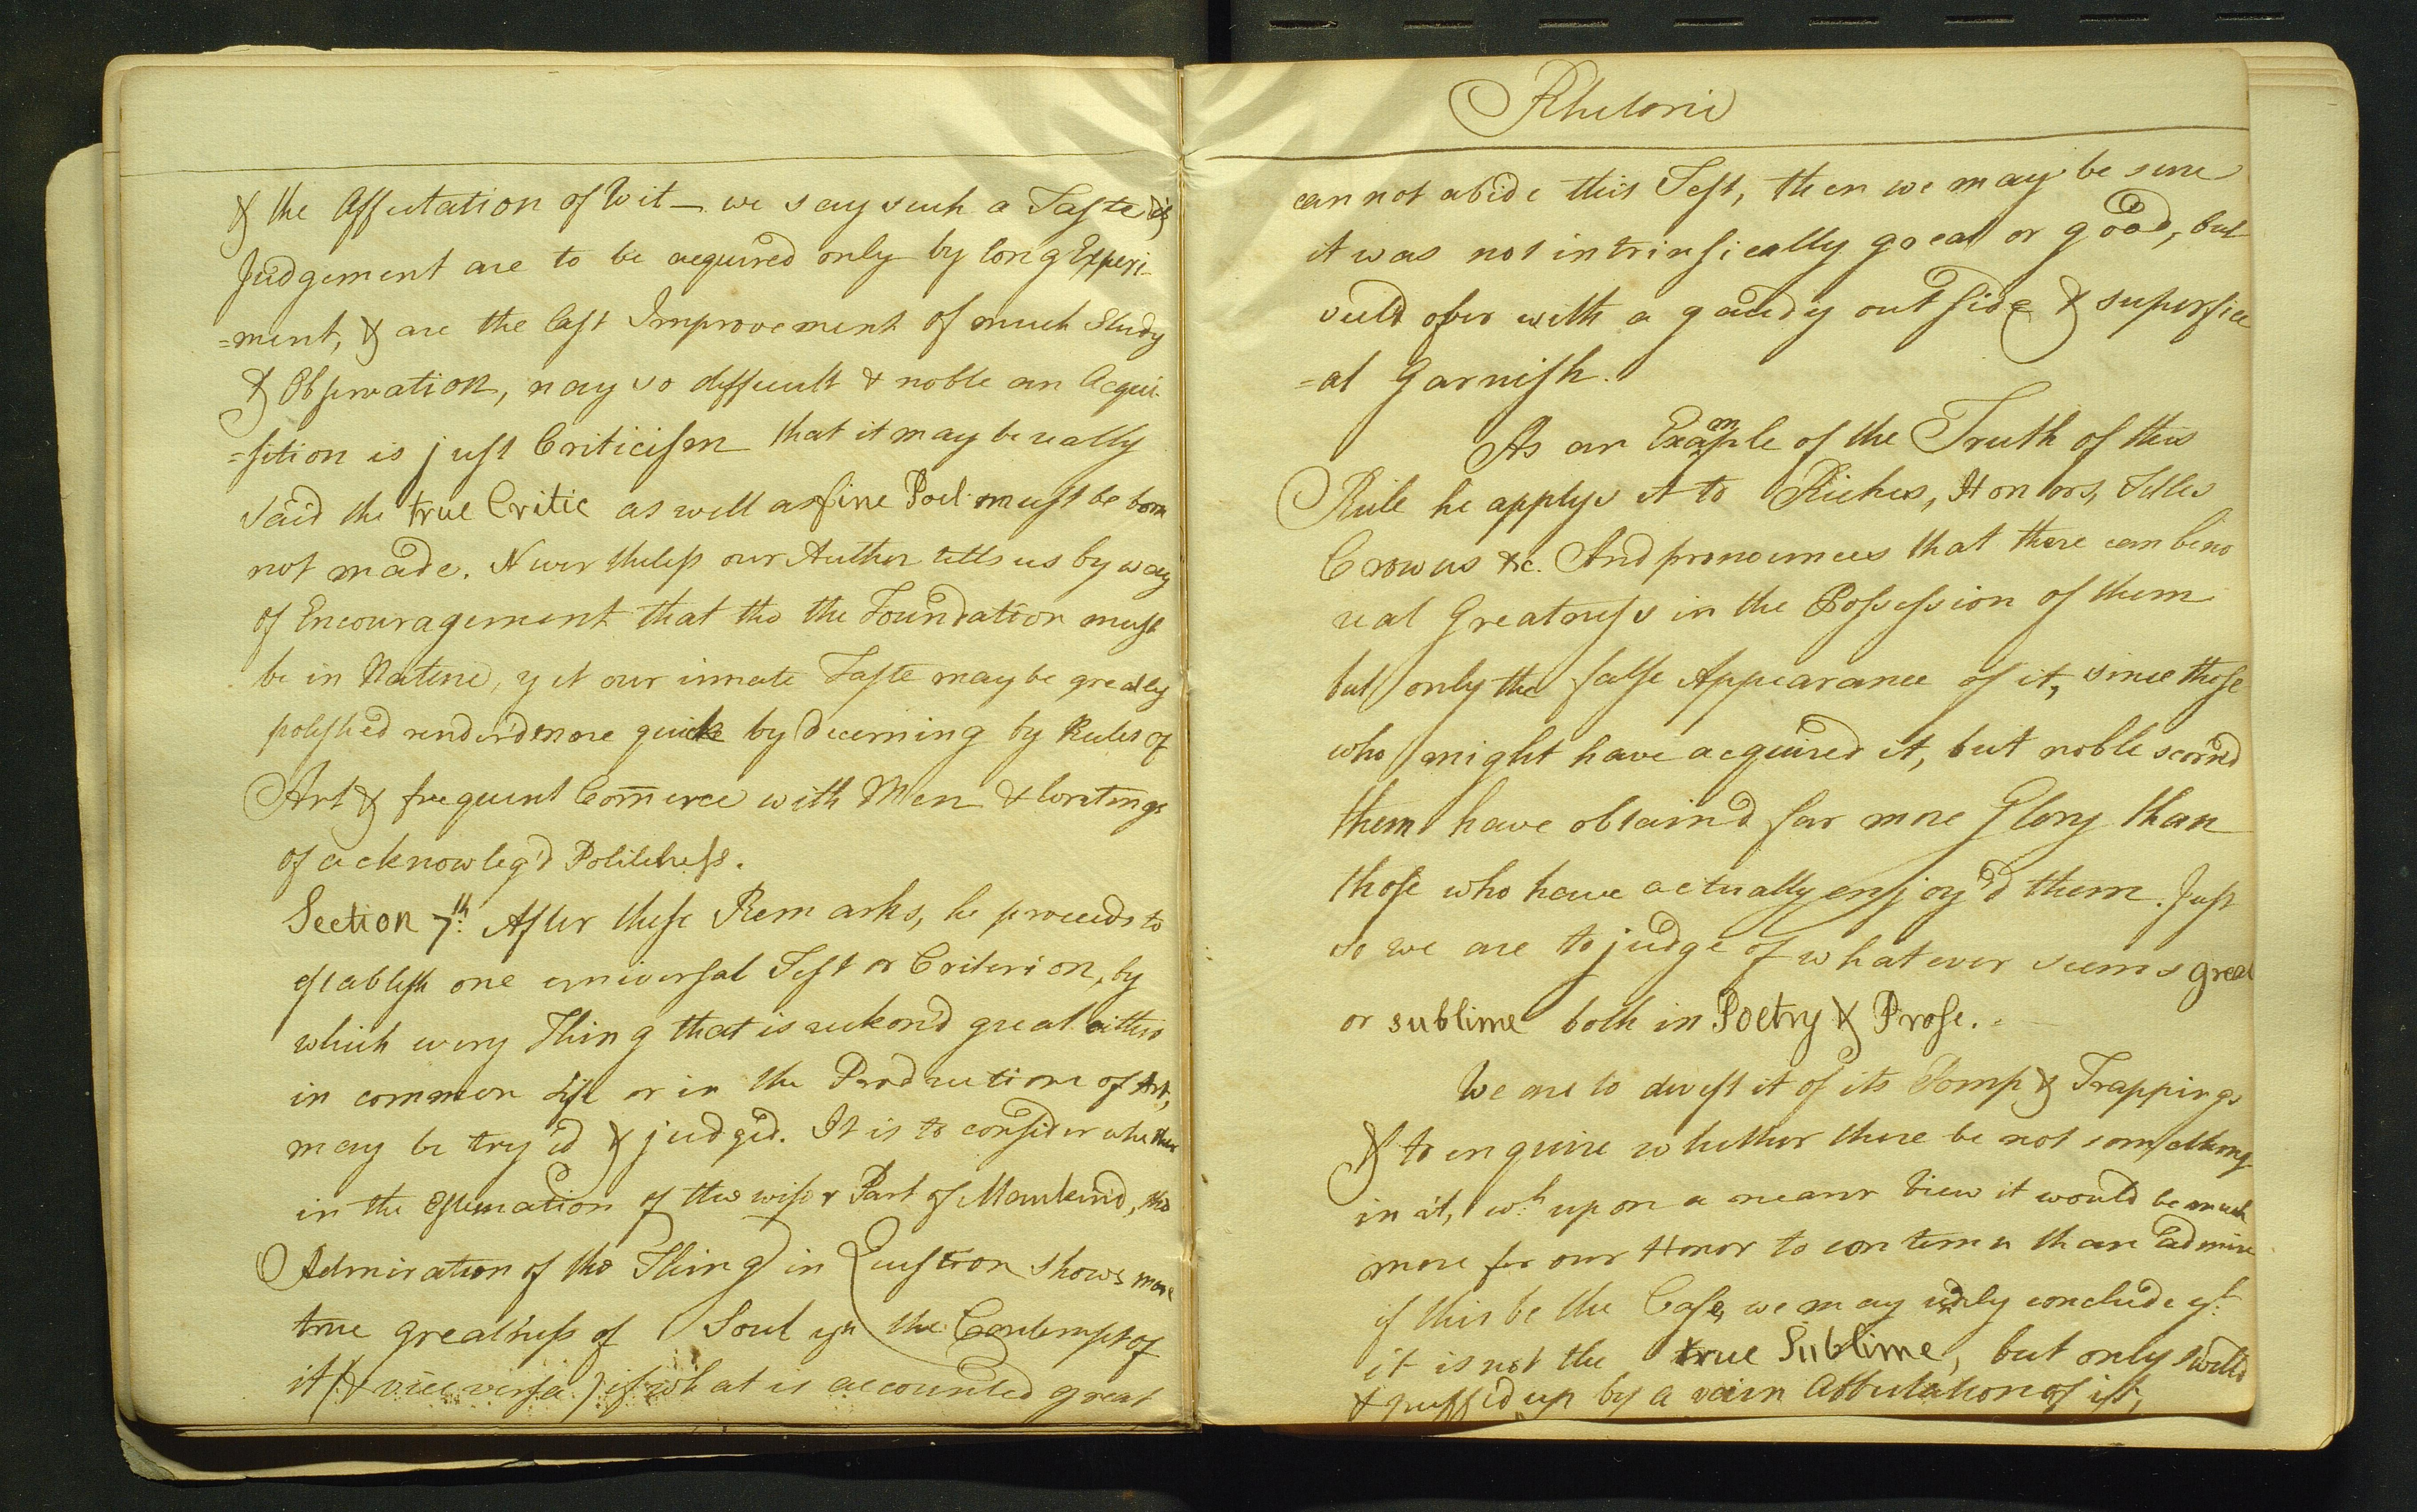& the Affectation of Wit- we say such a Taste &
Judgement are to be acquired only by long Experi-
-ment, & are the last Improvement of much Study
& Observation, nay so difficult & noble an Acqui-
-sition is just Criticism that it may be vastly
said the true Critic as well as fine Poet must be born
not made. Nevertheless, our Author tells us by way
of Encouragement that tho the Foundation must
be in Nature, yet our innate Taste may be greatly
polished render'd more quick by decerning by Rules of
Art & frequent Com̄erce with Men & Writings
of acknowleg'd Politeness.
Section 7^th After these Remarks, he proceeds to
establish one universal Test or Criterion, by
which every Thing that is reckon'd great this
is in common Life or in the Production of Art,
may be tryed & judged. It is to consider whether
in the Estimation of the wise & Part of Mankind, the
Admiration of the Thing in Question shows more
true greatness of Soul y^n the Contempt of
it (& vice versa) if what is accounted great
Rhetoric
can not abide this Test, then we may be sure
it was not intrinsically great or good, but
veil'd over with a gaudy outside & superfici
-al garnish.
As our Exa^mple of the Truth of this
Rule he applys it to Riches, Honors, Julles
Crowns &c. And pronounces that there can be no
real Greatness in the Possession of them
but only the false Appearance of it, since those
who might have acquired it, but noble sens'd
them have obtaind far more Glory than
those who have actually enjoy'd them. Just
so we are to judge of whatever seems great
or sublime both in Poetry & Prose.
We are to divest it of its Pomp & Trappings
& to enquire whether there be not something
in it, w^h: upon a near view it would be much
more for our Honor to contemn than admire
if this be the Case, we may ne^arly conclude y^t:
it is not the true Sublime, but only swelld
& ruffld up by a vain Affectation of it,